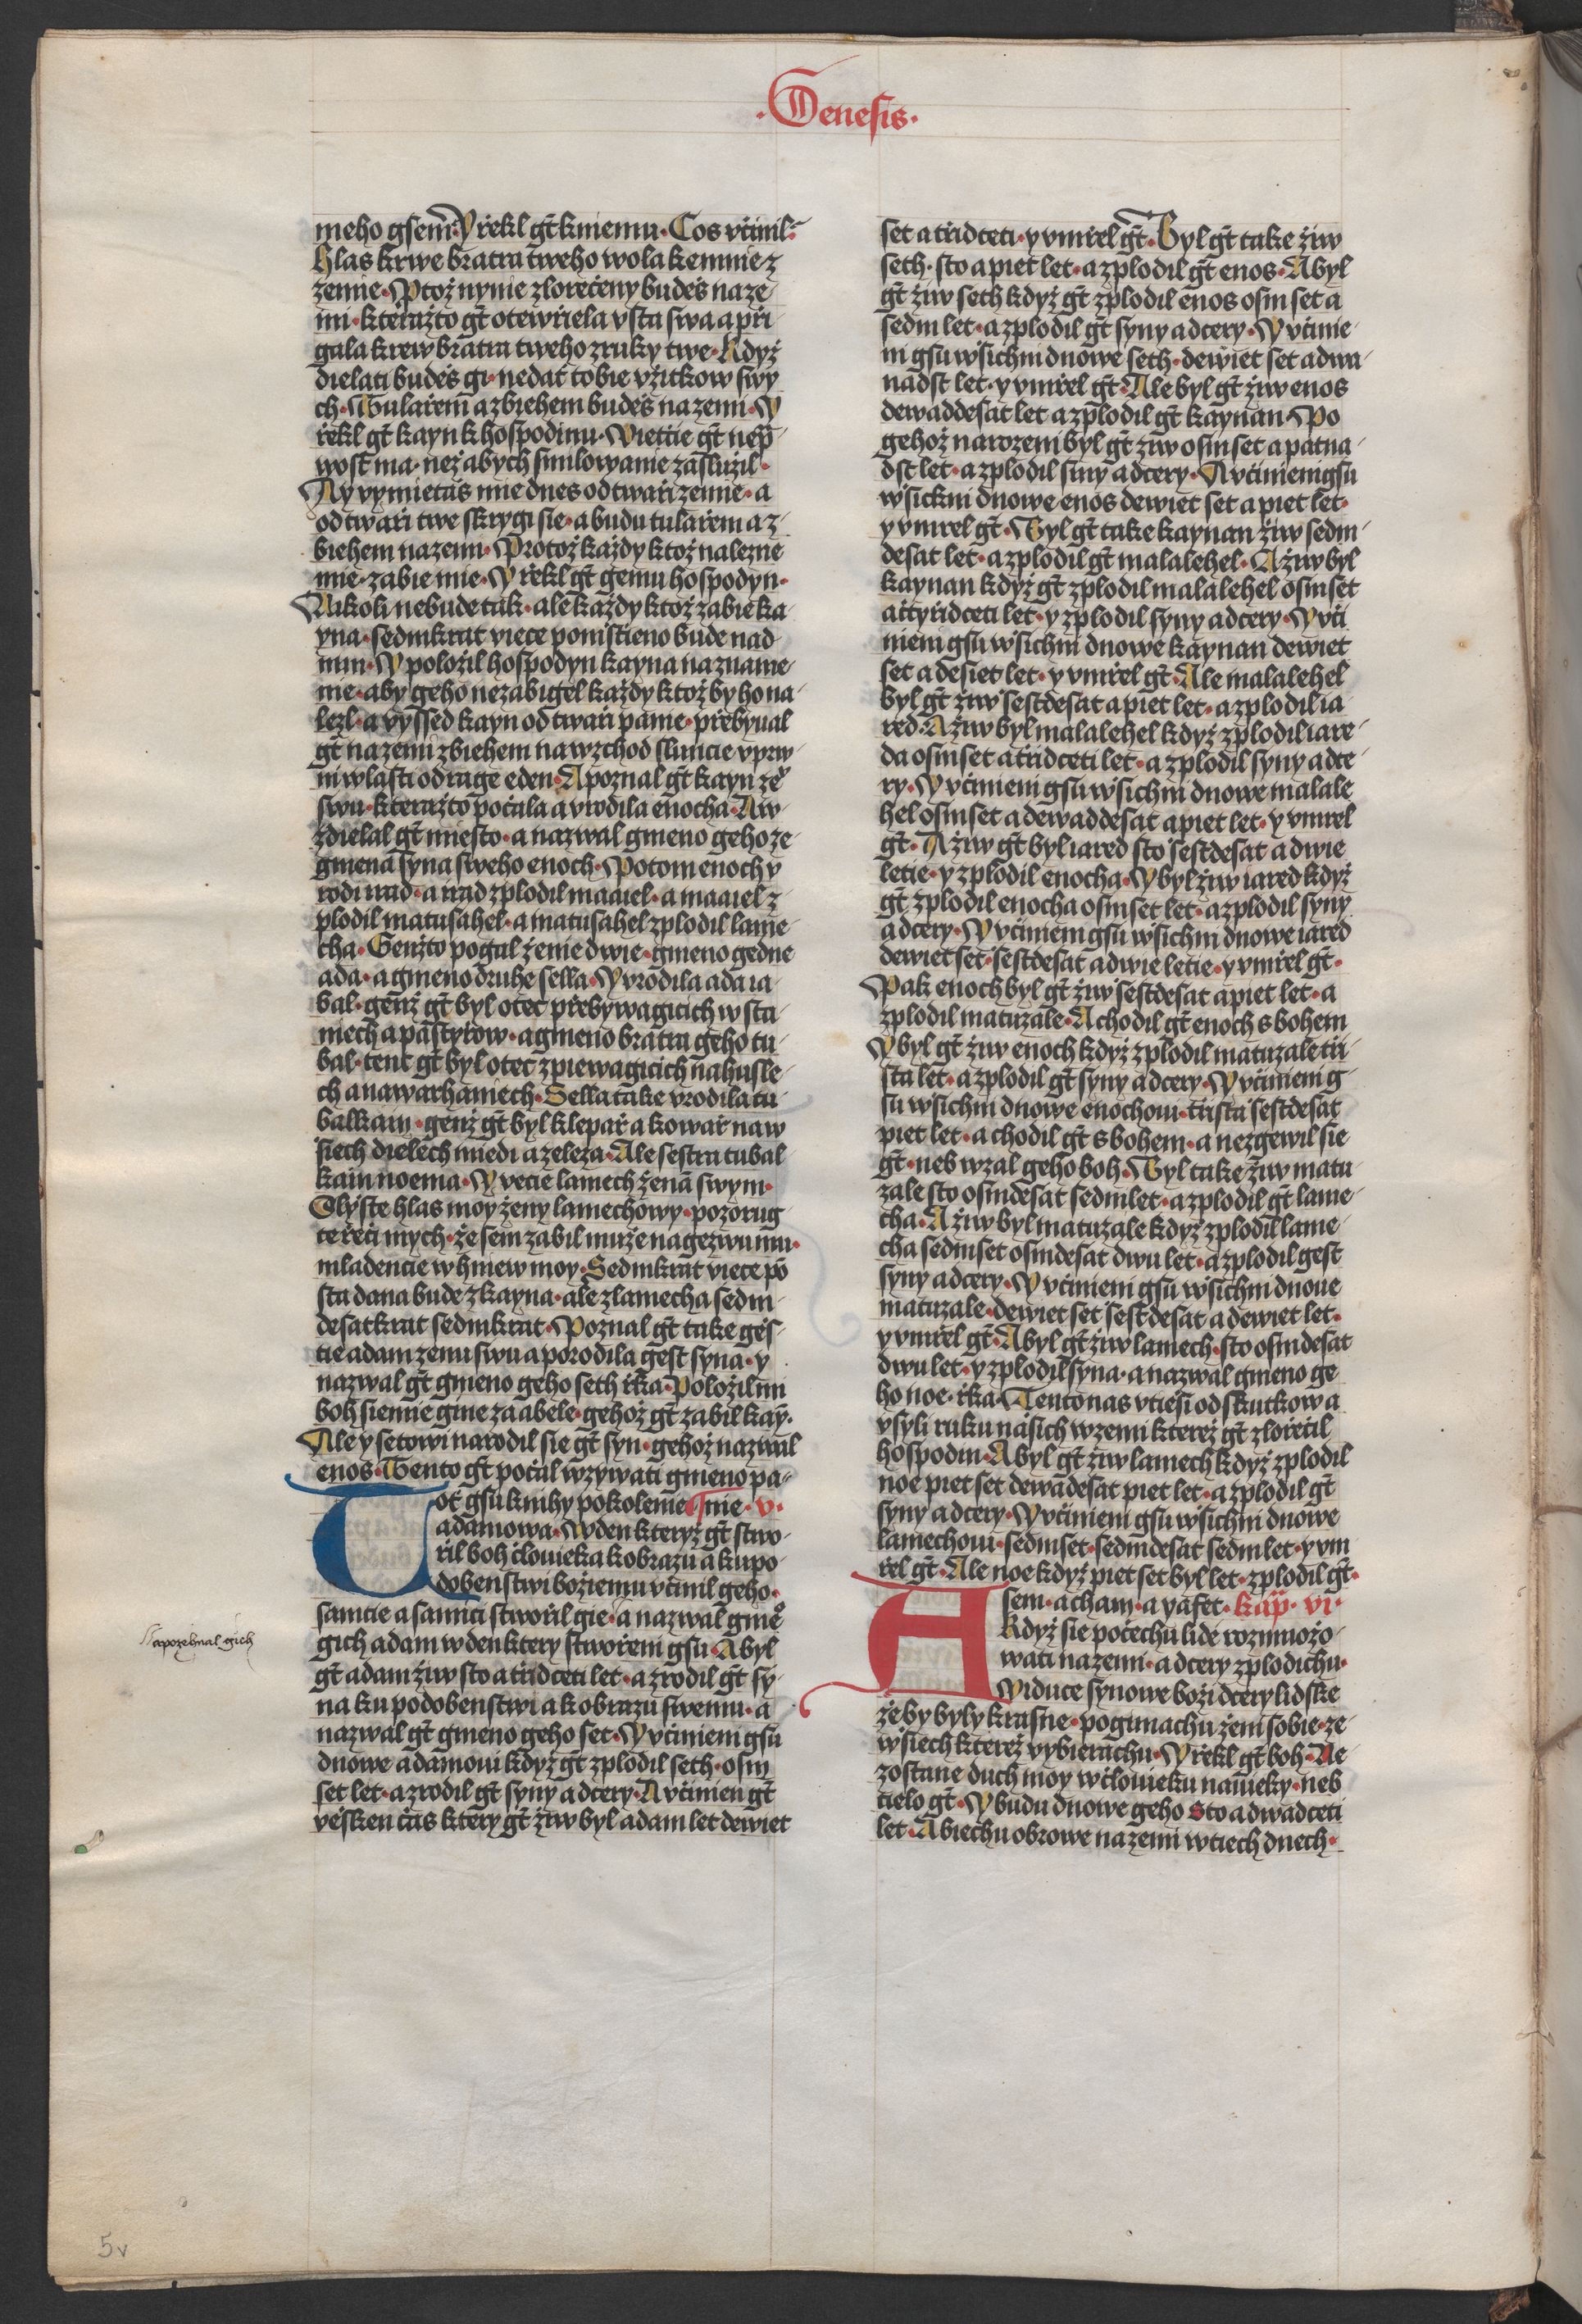apozehnal gich
.Geneſis.
meho gſem.Y ṙekl ḡt kníemu.Cos vċinil?
Hlas krwe bratra tweho wola kemnie z
zemie.Ꝓtoż nynie zloreċeny budeṡ naze¬
mí.kterażto ḡt otewṙiela vſta ſwa a pṙi¬
gala krew bratra tweho zruky twe.Kdyż
dielati budeṡ gi.nedat tobie vżitkow ſwy¬
ch.Tulaṙem a zbiehem budeṡ na zemí.Y
ṙekl ḡt kayn k hoſpodinu.Vietċíe ḡt nep̃¬
woſt ma.neż abych ſmilowaníe zaſlużil.
Ay vymíetas mie dnes odtwaṙi zemie.a
od twaṙi twe ſkrygi ſie.a budu tulaṙem a z¬
biehem nazemi.Protoż każdy ktoż nalezne
mie.zabie mie.Y ṙekl ḡt gemu hoſpodyn.
Nikoli nebude tak.ale każdy ktoż zabie ka¬
yna. ſedmkrat viece pomẛṫieno bude nad
ním.Y polożil hoſpodyn kayna na zname¬
níe.aby geho nezabigel każdy ktoż by ho na¬
lezl.a vyſſed kayn od twaṙi paníe.pṙebyual
ḡt na zemi zbiehem nawzchod ſluncie vprw¬
ní wlaſti odrage eden.A poznal ḡt kayn zev
ſwu.kterażto poċala a vrodila enocha.Aw¬
zdielal ḡt mieſto.a nazwal gmeno geho ze¬
gmena ſyna ſveho enoch.Potom enoch v¬
rodi irad.a írad zplodil maaiel.a maaiel z¬
plodil matuſahel.a matuſahel zplodil lame¬
cha.Genżto pogal żeníe dwie.gmeno gedne
ada.a gmeno druhe ſella.Y vrodila ada ia¬
bal.genż ḡt byl otec pṙebywagicich w ſta¬
niech a paſtyṙow.a gmeno bratra geho tu¬
bal.tent ḡt byl otec zpiewagicích nahuſle¬
ch a nawarhaniech.Sella take vrodila tu¬
balkain.genż ḡt byl klepaṙ a kowaṙ na w¬
ẛiech dielech míedi a zeleza.Ale ſeſtra tubal¬
kain noema. Y vecie lamech żenā ſwym.
Slyẛte hlas moy żeny lamechowy. pozorug¬
te ṙeċi mych.że ſem zabil muże nagezwu mu.
mladencie w hniew moy.Sedmkrat viece pō¬
ſta dana bude z kayna.ale z lamecha ſedm¬
deſatkrat ſedmkrat. Poznal ḡt take geẛ¬
tie adam zenu ſwu a porodila geſt ſyna. y
nazwal ḡt gmeno geho ſeth ṙka. Polożil mi
boh ſiemíe gíne za abele. gehoż ḡt zabil kaȳ.
Ale y ſetowi narodil ſie ḡt ſyn.gehoż nazwal
enos.Tento ḡt poċal wzywatí gmeno pa:
oṫ gſu knihy pokoleníe níe .v.
adamowa. Wden kteryž ḡt ſtwo¬
ṙil boh ċlouieka k obrazu a kupo¬
dobenſtwí bożiemu vċiníl geho.
ſamcíe a ſamici ſtwoṙil gie.a nazwal gmeo
gich adam w den ktery ſtwoṙení gſu. A byl
ḡt adam żiw ſto a tṙidceti let. a zrodil ḡt ſy¬
na ku podobenſtwí a k obrazu ſwemu.a
nazwal ḡt gmeno geho ſet.Y vċinieni gſu
dnowe adamoui kdyż ḡt zplodil ſeth. oſm
ſet let.a zrodil ḡt ſyny a dcery.A vċíníen ḡt
veẛken ċas ktery ḡt żíw byl adam let dewiet
ſet a tṙidceti.y vmṙel ḡt. Byl ḡt take żíw
ſeth.ſto a piet let.a zplodil ḡt enos.A byl
ḡt żíw ſeth kdyż ḡt zplodil enos oſm ſet a
ſedm let.a zplodil ḡt ſyny a dcery.Y vċiníe¬
ní gſu wẛichni dnowe ſeth.dewiet ſet a dwa¬
nadſt let. y vmṙel ḡt. Ale byl ḡt żiw enos
dewaddeſat let a zplodil ḡt kaynan.Po
gehoż narození byl ḡt ziw oſm ſet a patna¬
dſt let.a zplodil ſiny a dcery.A vċíníeni gſu
wẛickni dnowe enos dewiet ſet a piet let.
y vmrel ḡt. Byl ḡt take kaynan żíw ſedm¬
deſat let. a zplodil ḡt malalehel.A żiw byl
kaynan když ḡt zplodil malalehel oſm ſet
a ċtyṙidceti let. y zplodil ſyny a dcery.Y vċí¬
níeni gſu wẛichní dnowe kaynan dewiet
ſet a deſiet let.y vmṙel ḡt. Ale malalehel
byl ḡt żiw ẛeſtdeſat a piet let.a zplodil ía¬
red.A żiw byl malalehel když zplodil iare¬
da oſmſet a tṙidcetí let.a zplodil ſyny a dce¬
ry.Y vċiniení gſu wẛichni dnowe malale¬
hel oſm ſet a dewaddeſat a piet let.y vmrel
ḡt. A żiw ḡt byl iared ſto ẛeſtdeſat a dwie
letíe.y zplodíl enocha.Y byl żiw iared kdyż
ḡt zplodil enocha oſm ſet let. a zplodil ſyny
a dcery.Y vċínieni gſu wẛichní dnowe iared
dewiet ſet.ẛeſtdeſat a dwíe letie.y vmṙel ḡt.
Pak enoch byl ḡt żiw ẛeſtdeſat a piet let.a
zplodil matuzale.A chodil ḡt enoch s bohem
Y byl ḡt żiw enoch kdyż zplodil matuzale tṙi¬
ſta let.a zplodil ḡt ſyny a dcery.Y vċíníení g¬
ſu wẛichni dnowe enochoui. tṙi ſta ẛeſtdeſat
piet let.a chodíl ḡt s bohem.a nezgewil ſie
ḡt.neb wzal geho boh. Byl take żiw matu¬
zale ſto oſmdeſat ſedmlet.a zplodil ḡt lame¬
cha.A żiw byl matuzale kdyż zplodil lame¬
cha ſedmſet oſmdeſat dwu let.a zplodil geſt
ſyny a dcery.Y vċiníení gſu wẛichni dnouie
matuzale.dewiet ſet ẛeſtdeſat a dewiet let.
y vmřel ḡt. A byl ḡt żiw lamech.ſto oſmdeſat
dwu let.y zplodil ſyna.a nazwal gmeno ge¬
ho noe. ṙka.Tento nas vtieẛí od ſkutkow a
vſylí ruku naẛich w zemí ktereż ḡt zloṙeċil
hoſpodin. A byl ḡt żiw lamech kdyż zplodil
noe piet ſet dewadeſat piet let.a zplodil ḡt
ſyny a dcery.Y vċíniení gſu wẛichni dnowe
lamechoui. ſedmſet.ſedmdeſat ſedm let.y vm¬
ṙel ḡt. Ale noe kdyż piet ſet byl let.zplodil ḡt.
ſem.a cham.a yafet. kap.vi.
Kdyż ſie počechu lidé rozmnożo¬
wati na zemí.a dcery zplodichu.
Viduce ſynowe bożí dcery lidſke
że by byly kraſne.pogimachu žení ſobie.ze¬
wẛiech ktereż vybierachu.Y ṙekl ḡt boh.Ne¬
zoſtane duch moy w ċlouíeku nauíeky.neb
cielo ḡt.Y budu dnowe geho Sto a dwadceti
let.A biechu obrowe na zemi w tiech dnech.